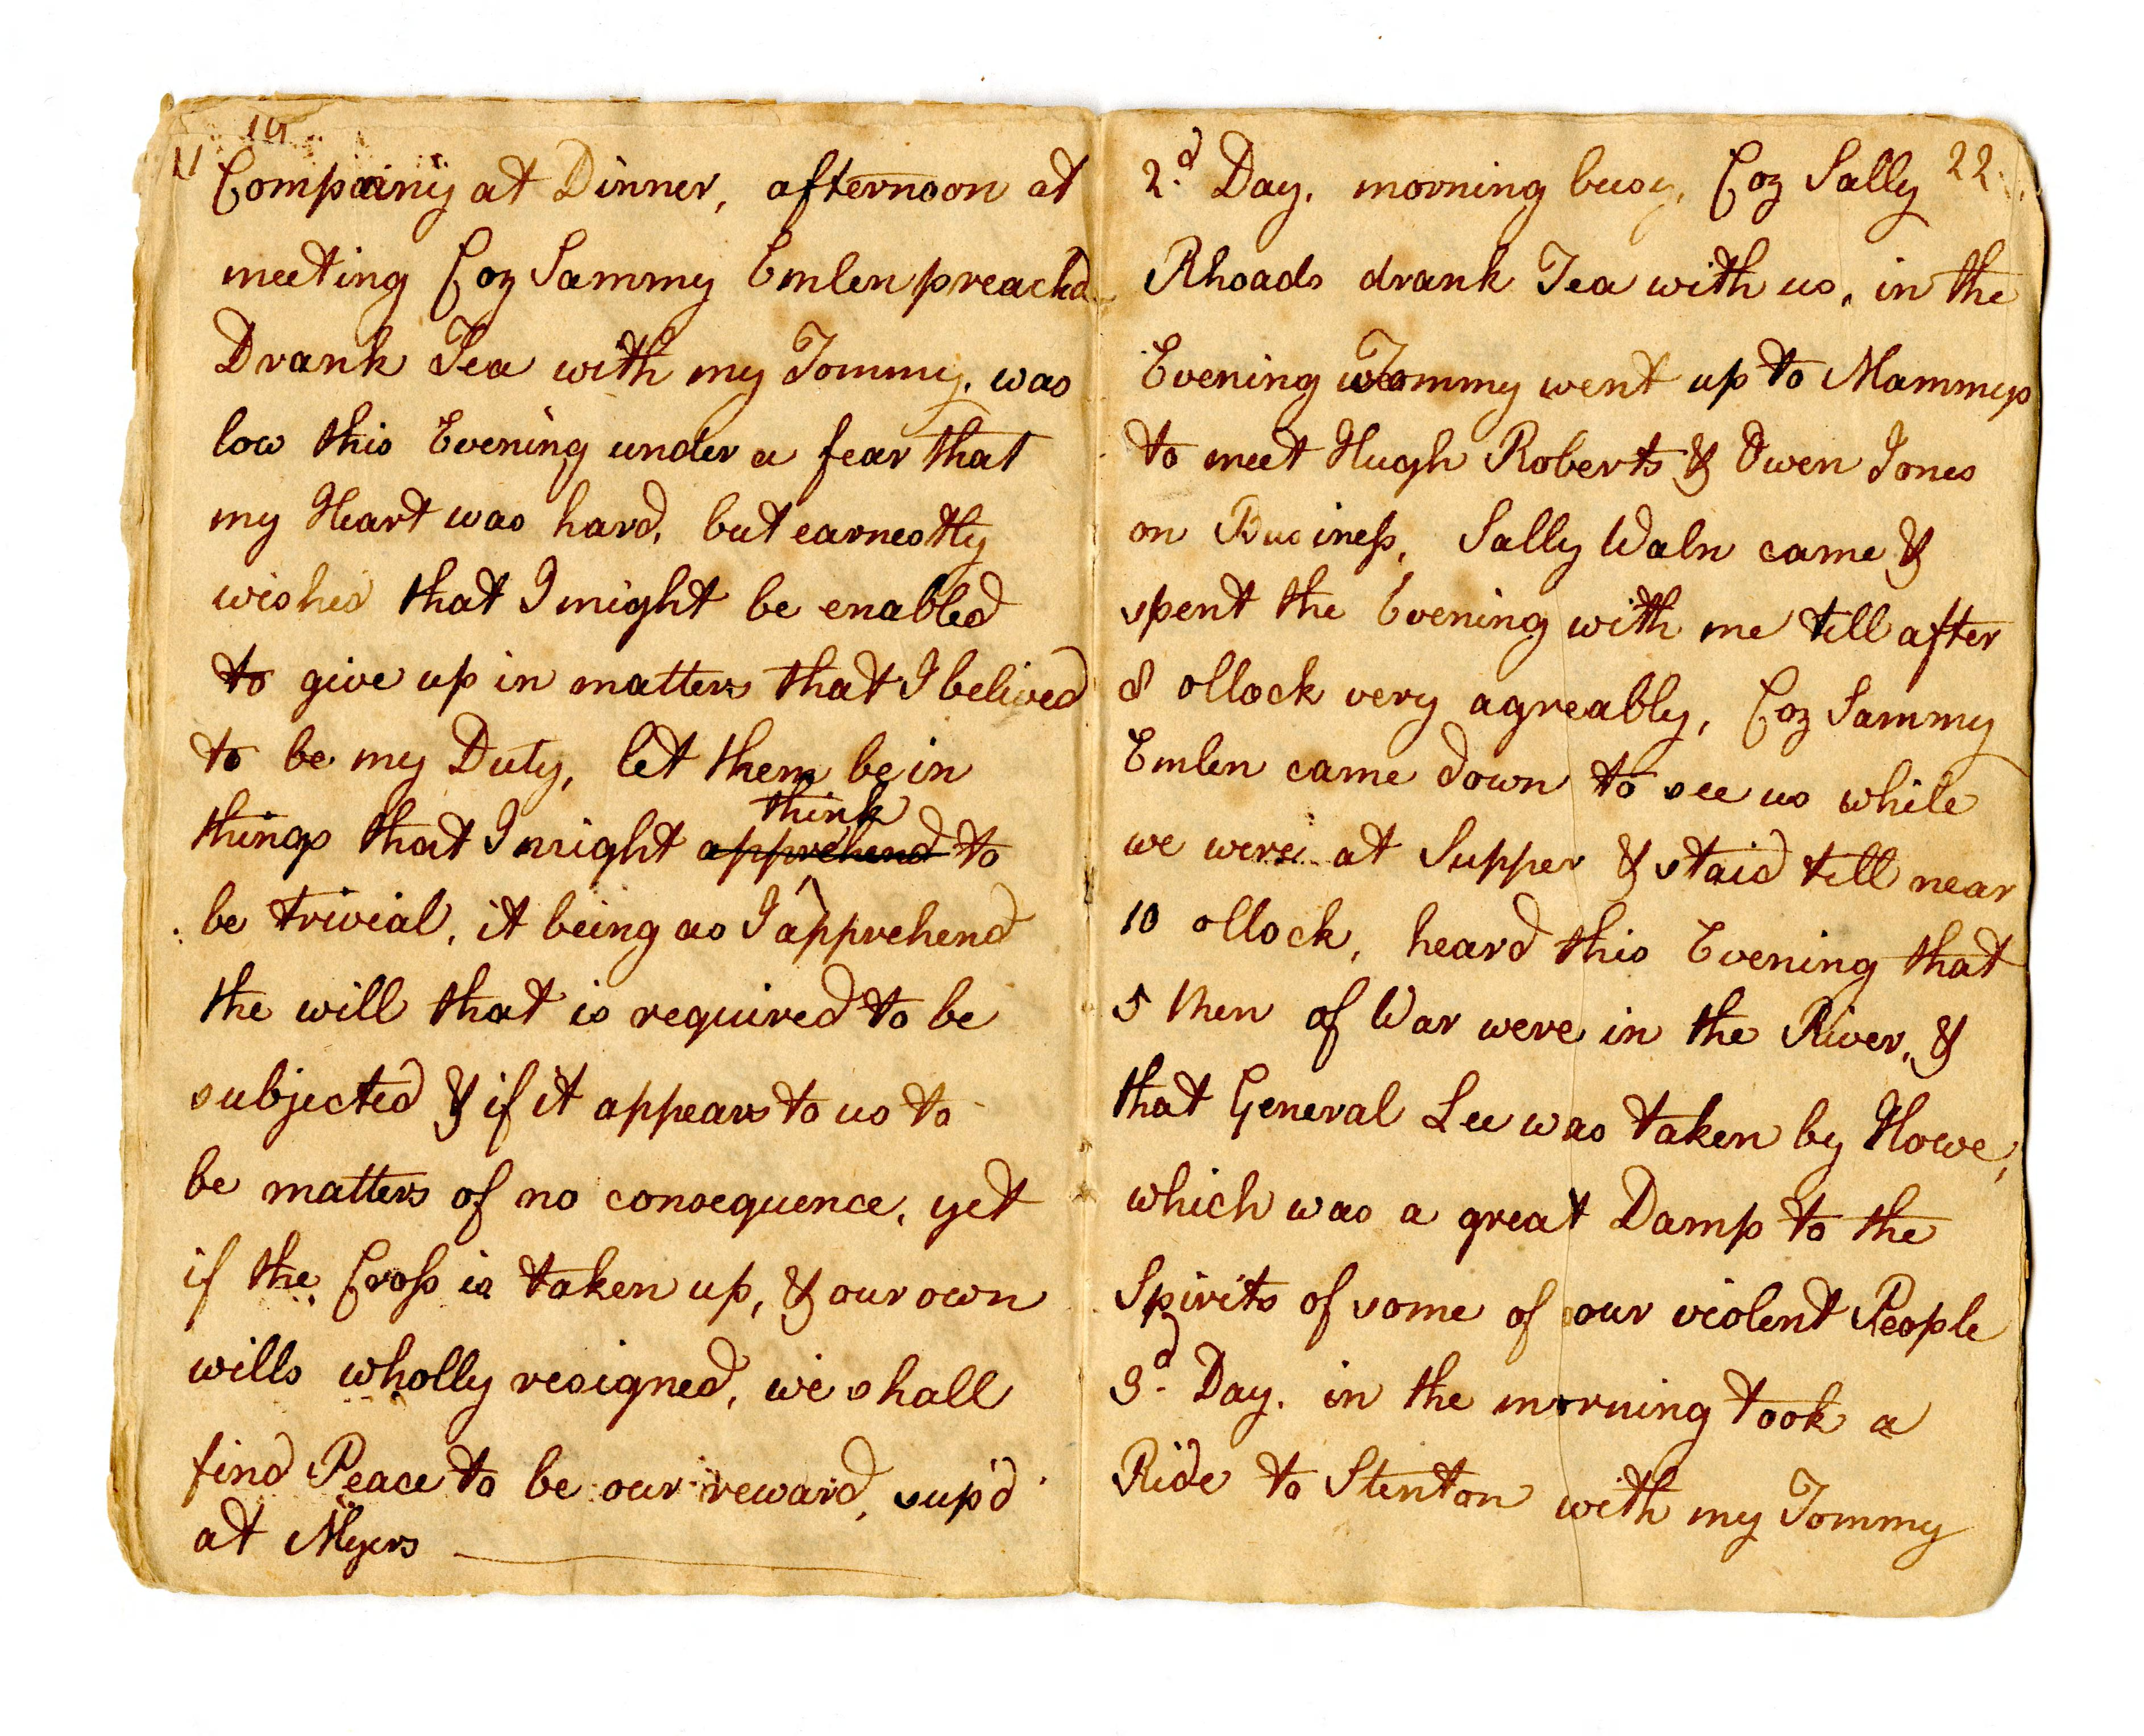Company at Dinner, afternoon at
meeting Coz Sammy Emlen preachd
Drank Tea with my Tommy, was
low this Evening under a fear that
my Heart was hard, but earnestly
wished that I might be enabled
to give up in matters that I belived
to be my Duty, let them be in
think
things that I might [_________] to
be trivial, it being as I apprehend
the will that is required to be
subjected & if it appears to us to
be matters of no consequence, yet
if the Cross is taken up, & our own
wills wholly resigned, we shall
find Peace to be our reward, sup'd
at Myers-
2^d. Day, morning busy, Coz Sally
Rhoads drank Tea with us, in the
Evening Tommy went up to Mammys
to meet Hugh Roberts & Owen Jones
on Business, Sally Waln came &
spent the Evening with me till after
8 ^o Clock very agreably, Coz Sammy
Emlen came down to see us while
we were at Supper & staid till near
10 ^o Clock, heard this Evening that
5 Men of War were in the River, &
that General Lee was taken by Howe,
which was a great Damp to the
Spirits of some of our violent People
3^d Day. in the morning took a
Ride to Stenton with my Tommy